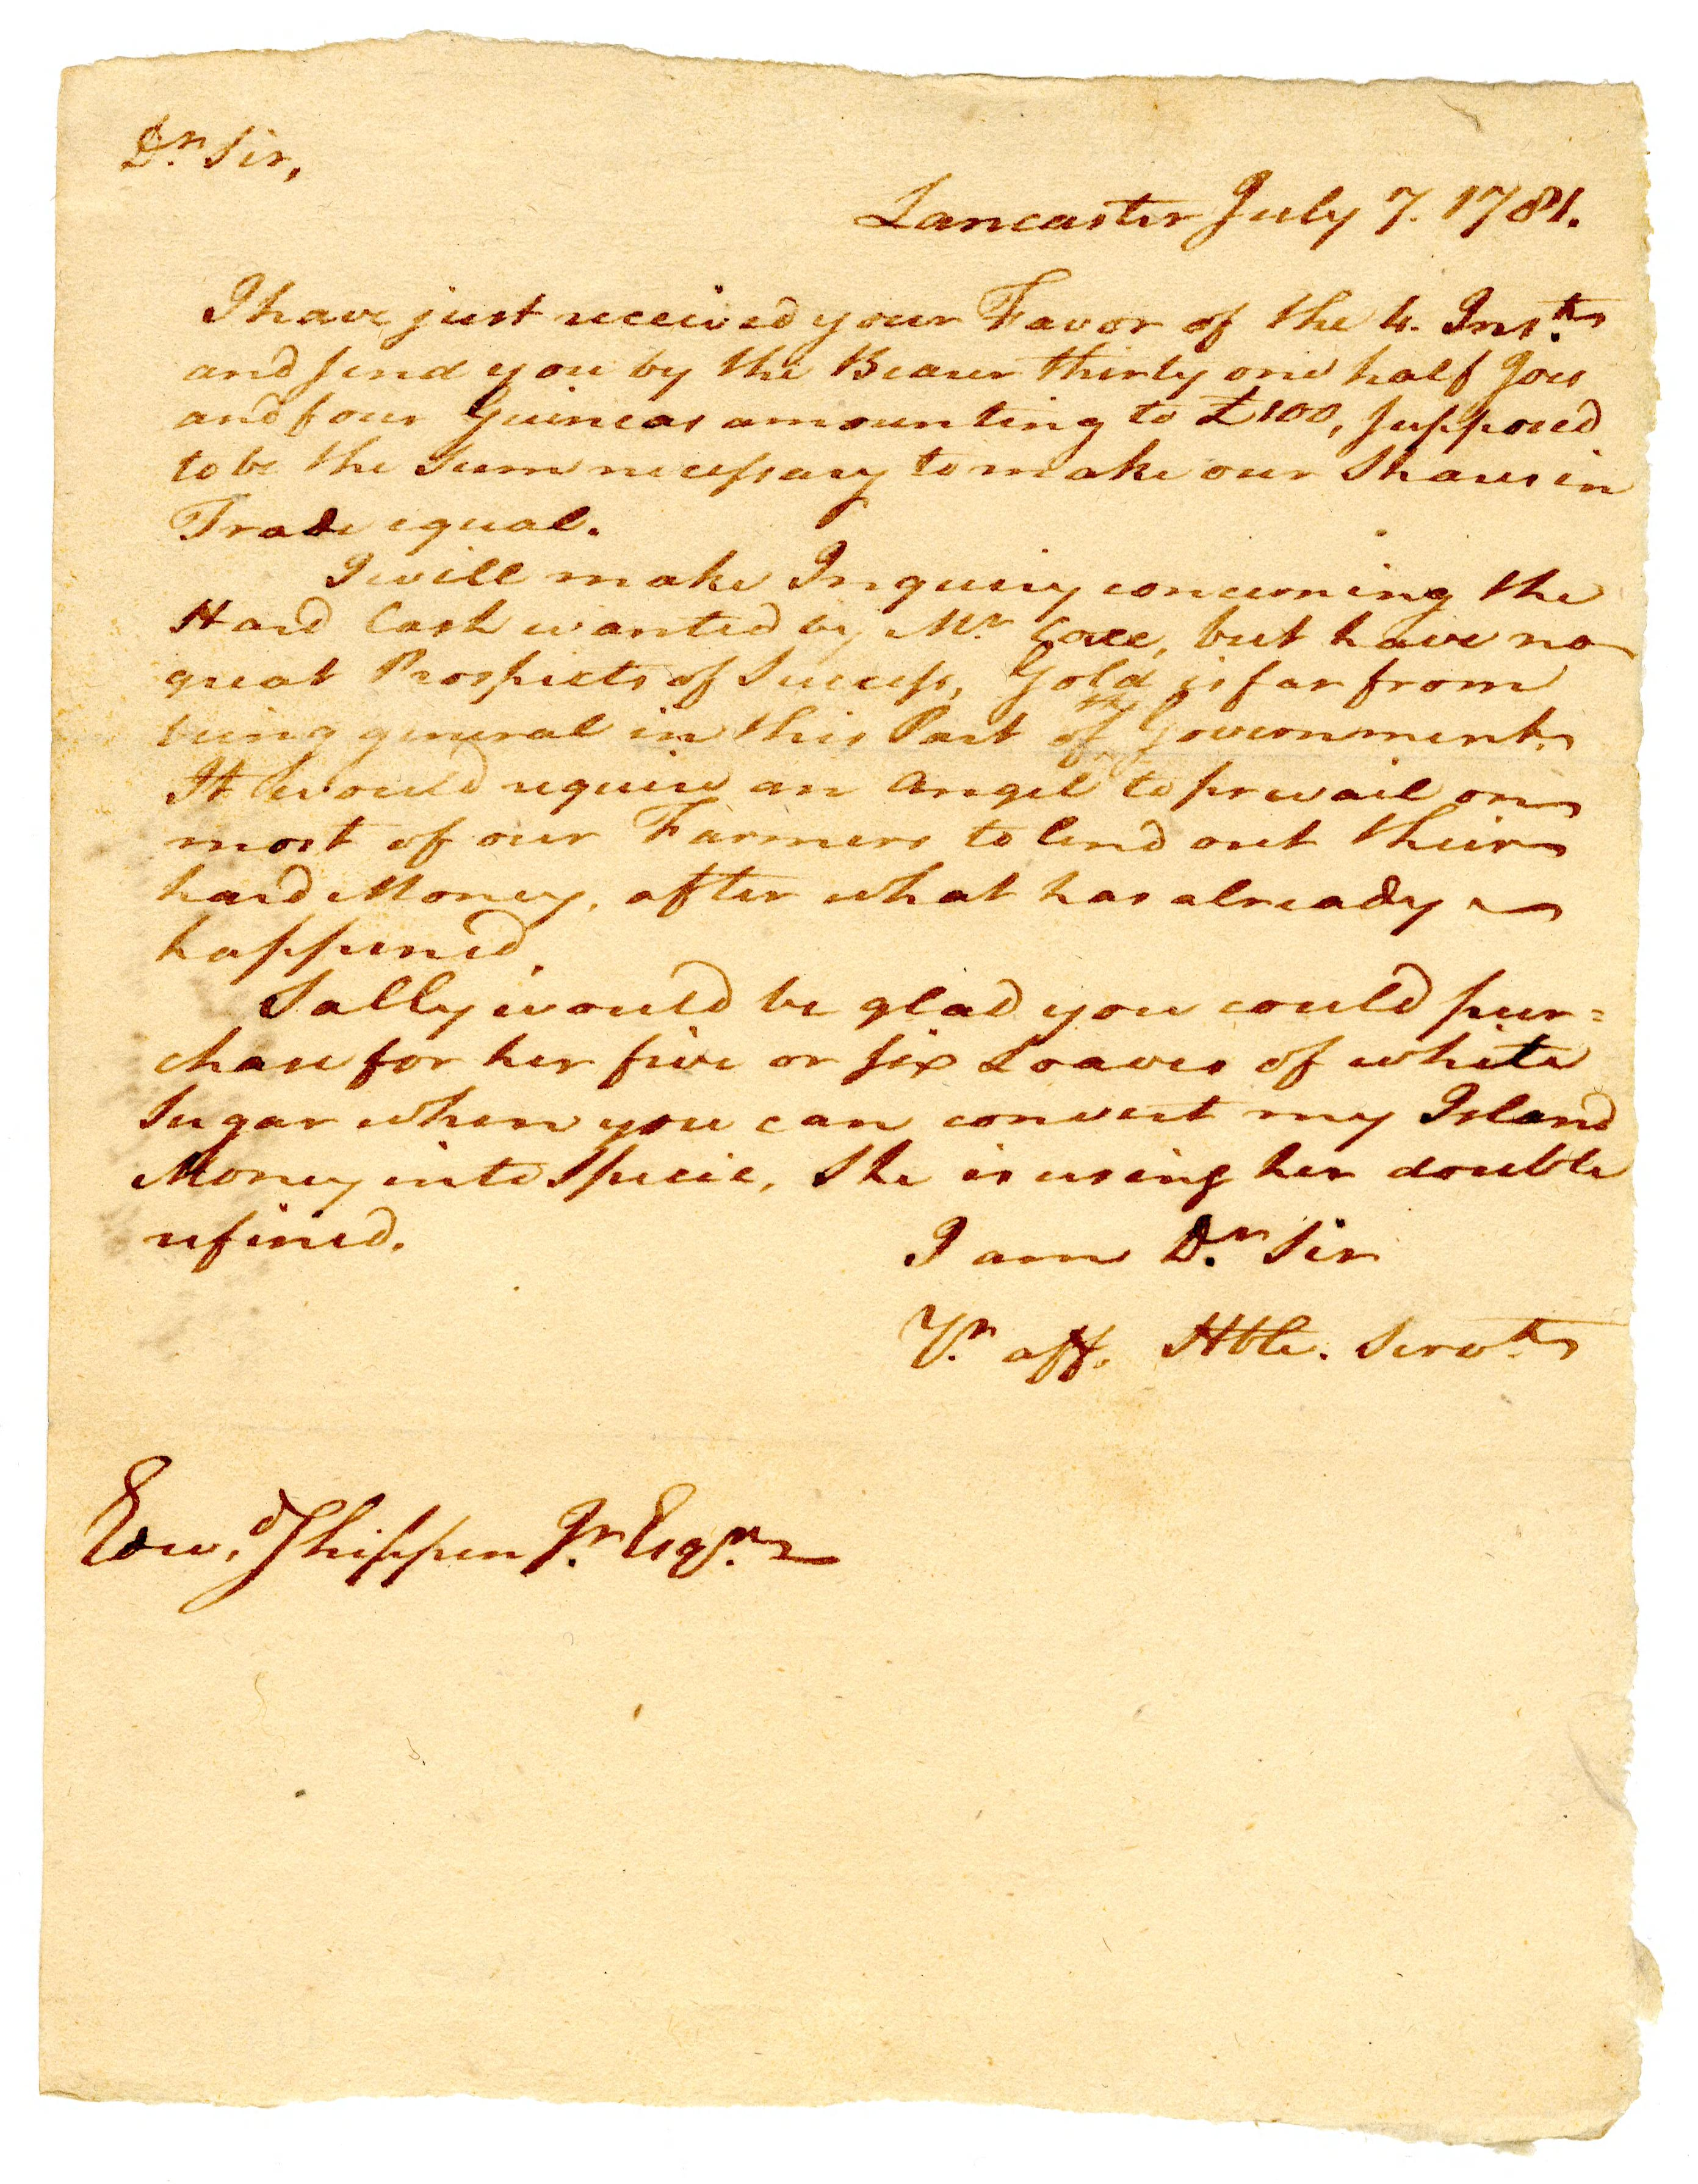Lancaster July 7. 1781.
D^r. Sir,
I have just received your Favor of the 4. Ins^t.
and find you by the Bearer thirty one half Joes
and four Guineas amounting to £100, supposed
to be the sum necessary to make our shares in
Trade equal.
I will make Inquiry concerning the
Hard Cash wanted by M^r. Coxe, but have no
great Prospects of Success, Gold is far from
being general in this Part of Government
It would require an Angel to prevail on
most of our Farmers to conduct their
hard Money, after what has already
happened
Sally would be glad you could pur-
-chase for her five or six Loaves of white
sugar when you can convert my Island
Money into Specie, She is using her double
refined
I am D^r Sir
Y^r. aff. Hble. Serv^t
Edw^d: Shippen J^r. Esq^r.